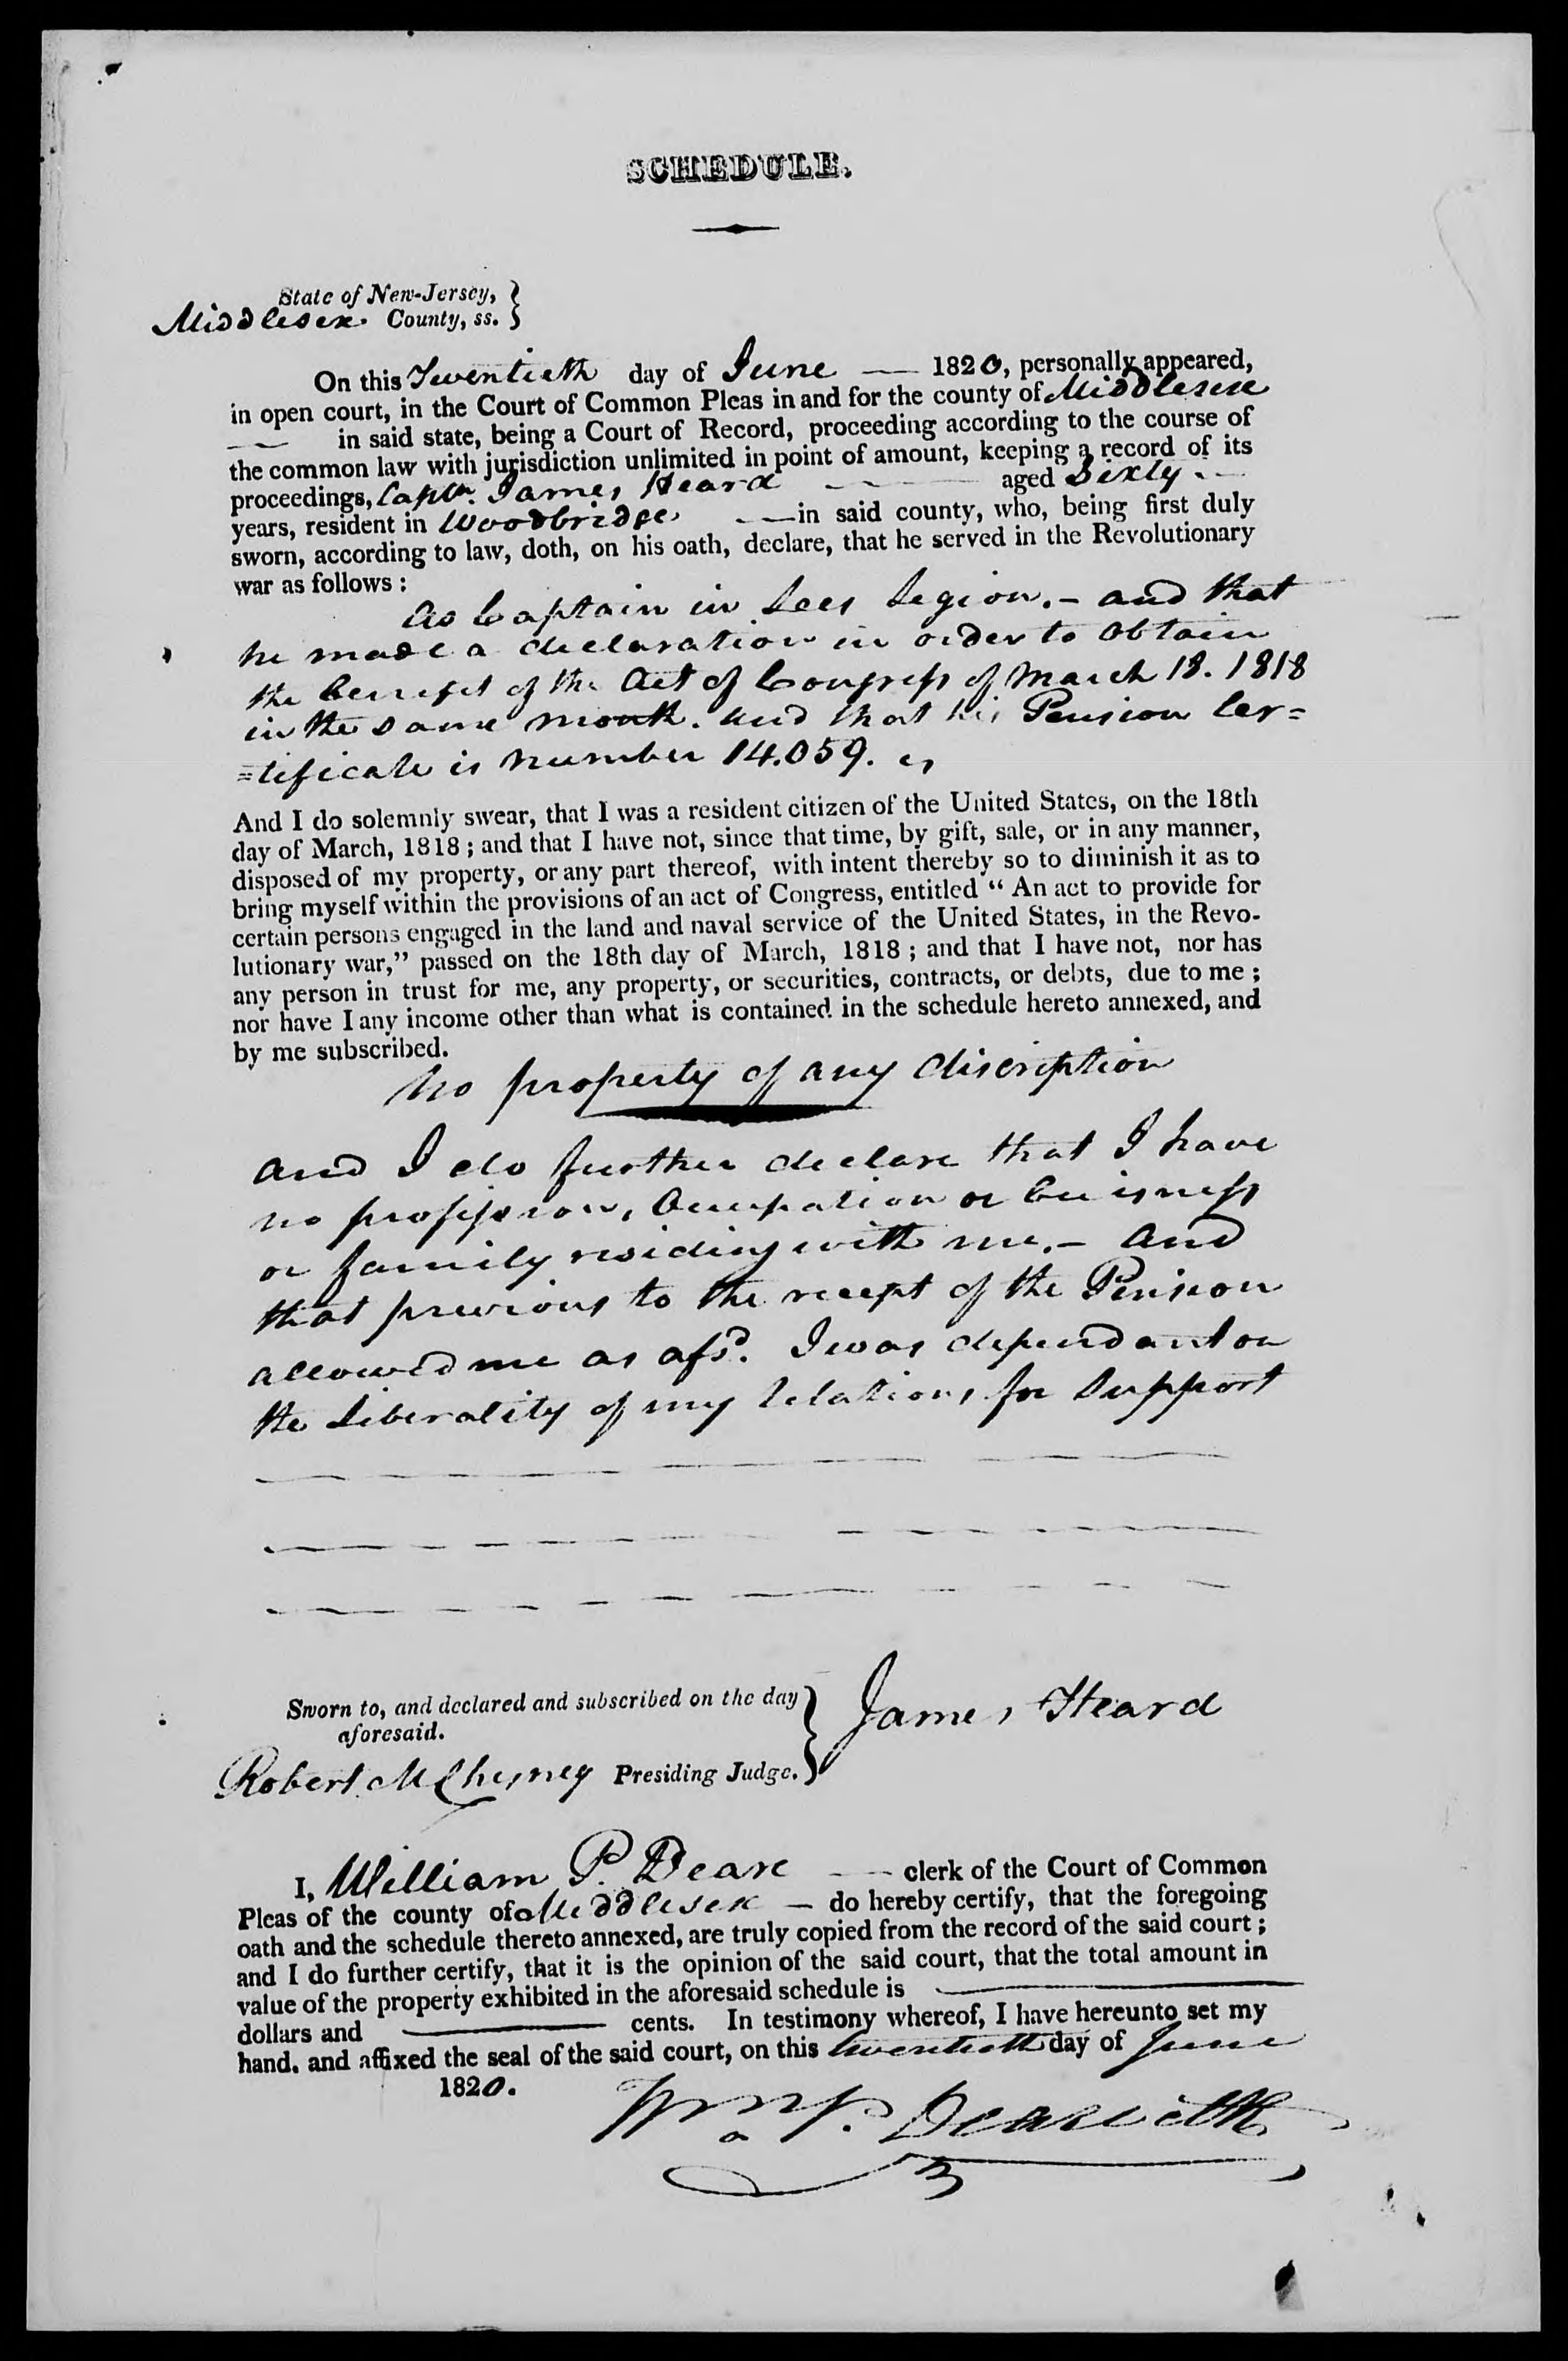SCHEDULE.
State of Nen-Jersey,
Middlesex County

On this Twentieth day of June 1820, personally appeared, in open court, in the Court of Common Pleas in and for the county of Middlesex in said state, being a Court of Record, proceeding according to the course of the common law with jurisdiction unlimited in point of amount, keeping a record of its proceedings, Capt. James Heard, aged sixty years, resident in Woodbridge in said county, who being first duly sworn, according to law, doth, on his oath, declare, that he served in the Revolutionary War as follows:
As Captain in Lee’s Region and that he made declaration in order to obtain the benefit of the act of Congress of March 18, 1818 in the same month and that his pension certificate is number is 14.059.

And I do solemnly swear, that I was a resident citizen of the United States, on the 18th day of March, 1818; and that I have not, since that time, by gift, sale, or in any manner, disposed of my property, or any part thereof, with intent thereby so to diminish it as to bring myself within the provisions of an act of Congress, entitled " An act to provide for certain persons engaged in the land and naval service of the United States, in the Revolutionary War,” passed on the 18th day of March 1818; and that I have not nor has any person in trust for me, any property, or securities, contracts, or debts, due to me; nor have I any income other than what is contained in the schedule hereto annexed, and by me subscribed. 
 
No property of any description and I do further declare that I have no profession, occupation, or business or family residing with me. And that pensions to the [Illegible] of the Pensions allowed me [Illegible]. I was dependent on the liberality of my relatives for support. 

Sworn to, and declared and subscribed on the day aforesaid. 

Robert McHesney, Presiding Judge 
James Heard

I, William P. Dean, Clerk of the Court of Common Pleas of the County of Middlesex, do hereby certify that the foregoing oath and the schedule thereto annexed, are truly copied from the record of the said court; and I do further certify, that is the opinion of the said court, that the total amount in valid of the property exhibited in the aforesaid schedule is [Blank] dollars and [Blank] cents. In testimony whereof, I have hereunto set my hand, and affixed the seal of the said court, on this twentieth day of June 1820. 

W. P. Dean, Clerk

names: James Heard, Wm P Dean, James Heard, Robert Mchesney, William P Dean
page: 8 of 62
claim: survivor's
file: S. 540, James Heard, Continental - New Jersey Residence In 1818